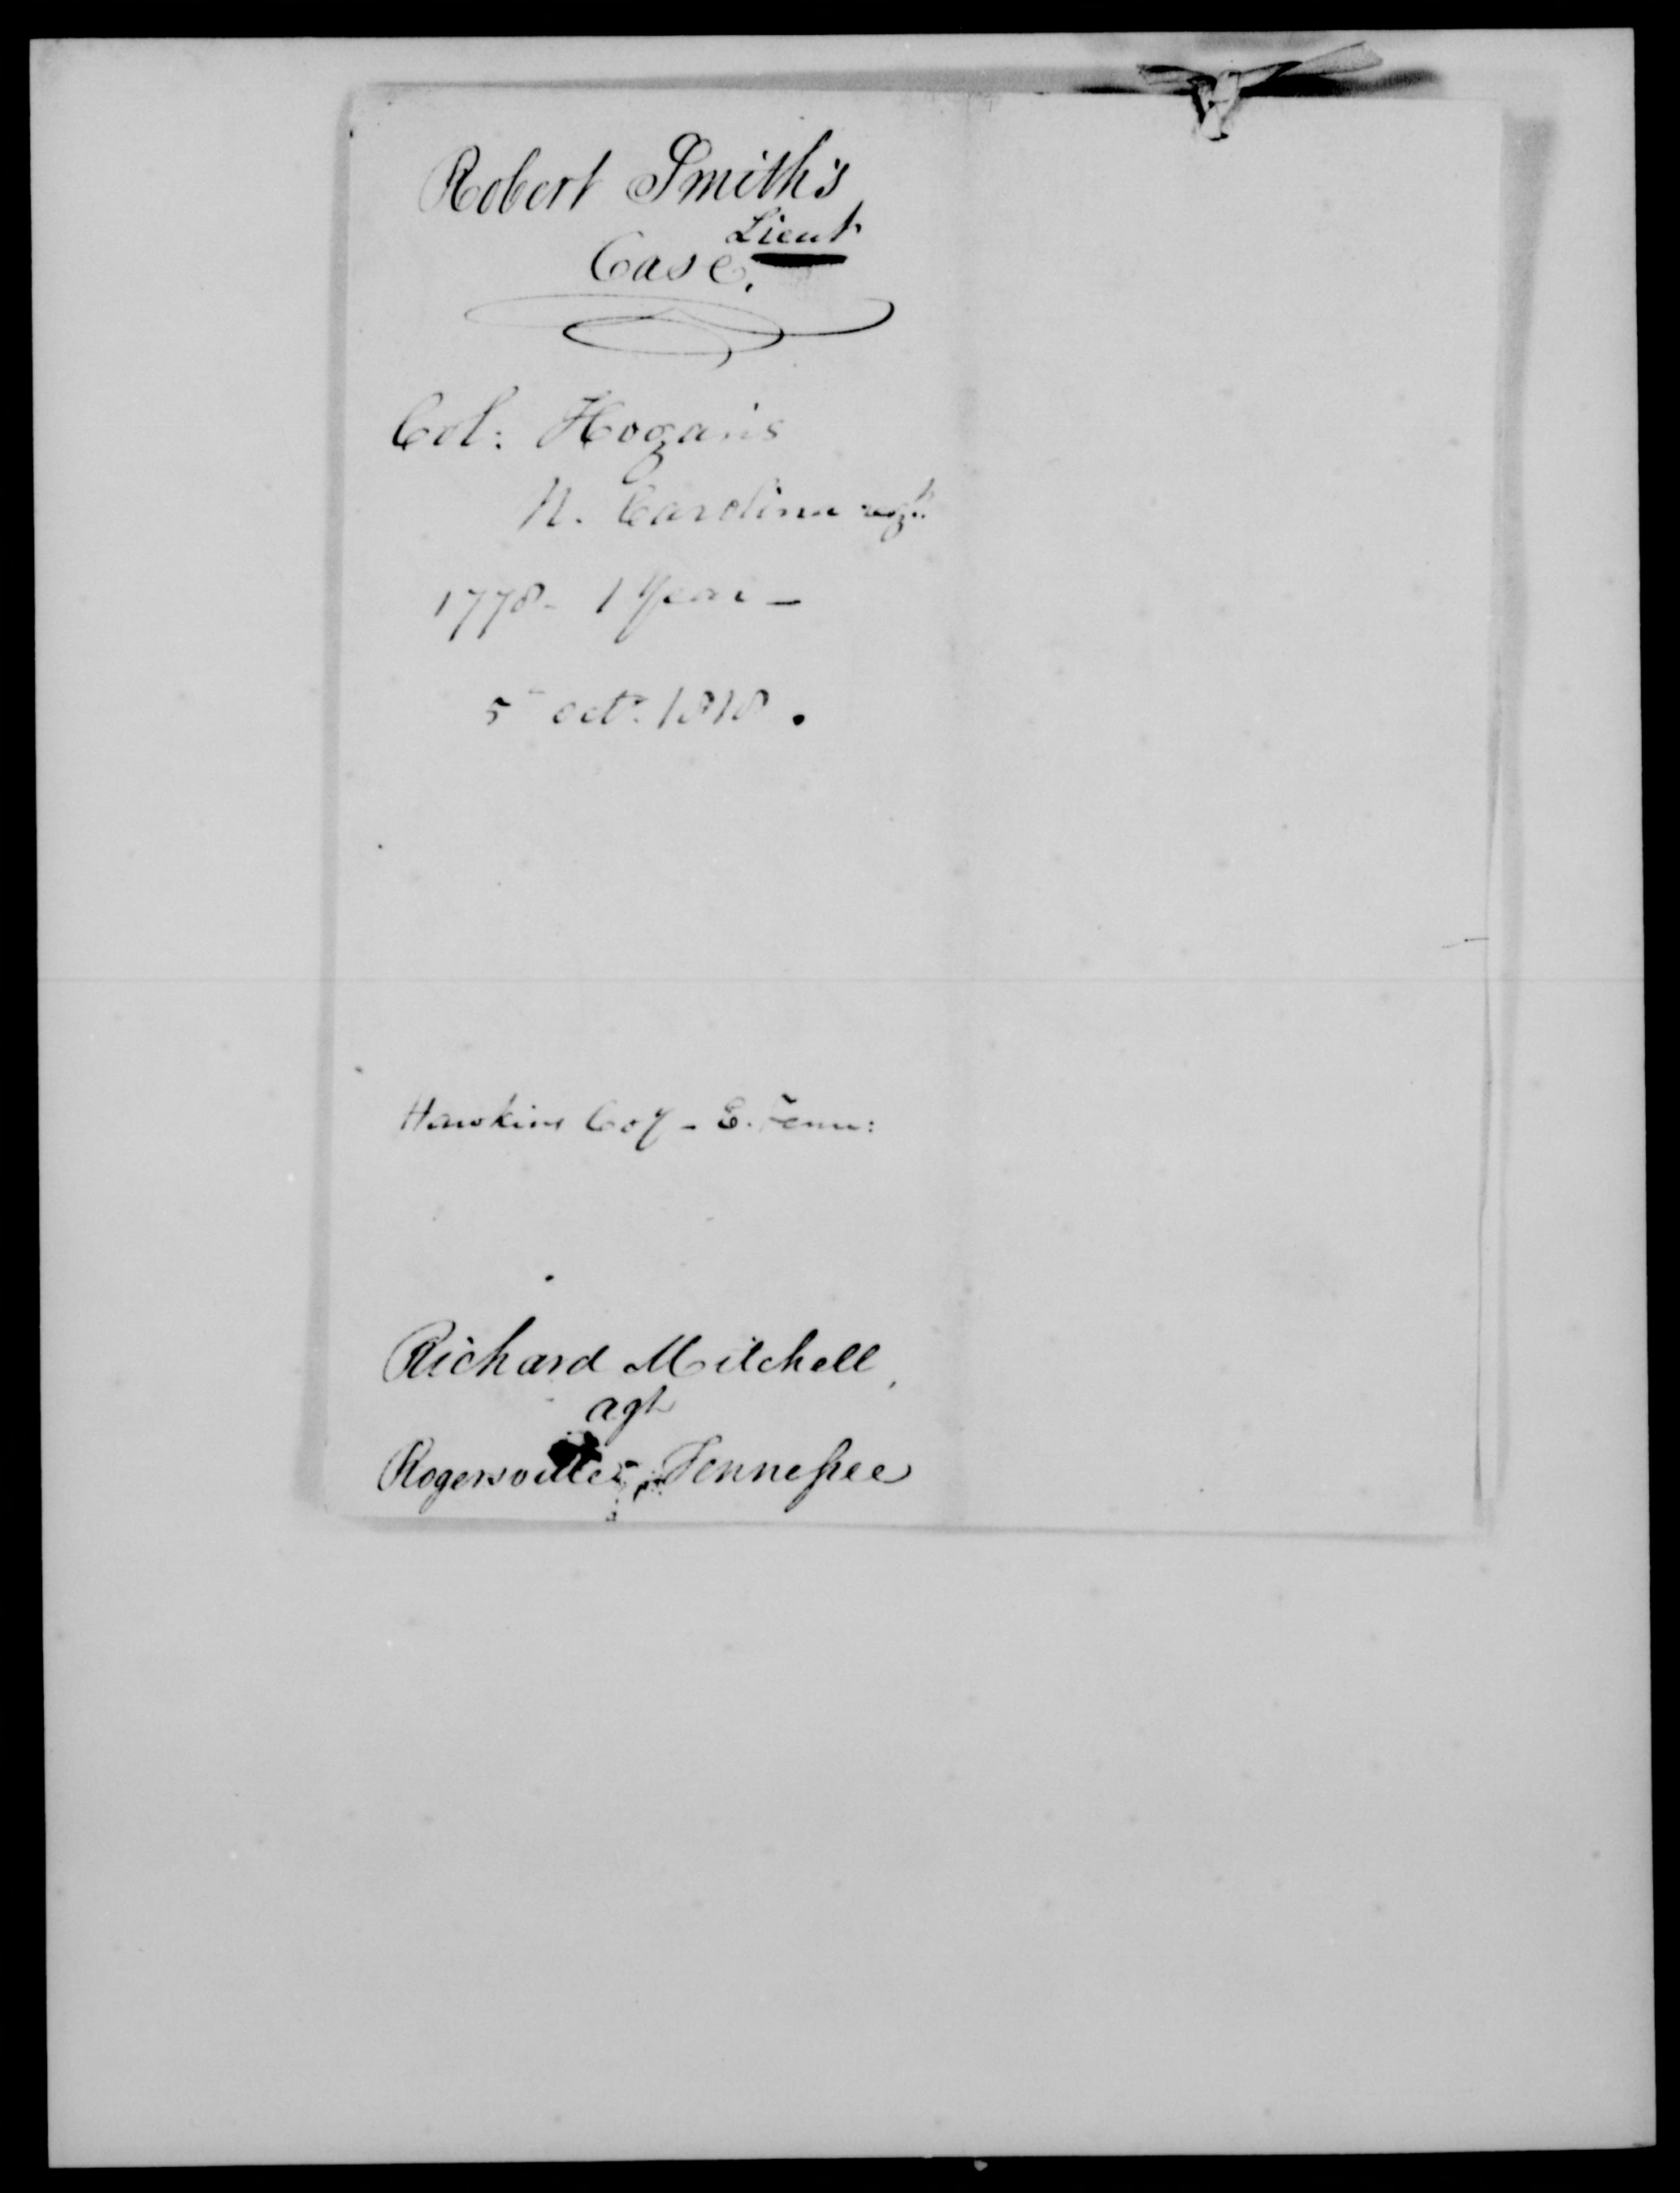Robert Smith's
Lieut
Case

Col: Hogan's
N. Carolina regt
1778 1 year

5th Octr. 1818.

Hawkins Coy - E. Tenn:

Richard Mitchell
agt
Rogersville Tennefsee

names: Robert Smith; Richard Mitchell; [BLANK] Hogan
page: 71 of 79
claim: widow's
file: W. 1504, for Robert Smith, North Carolina